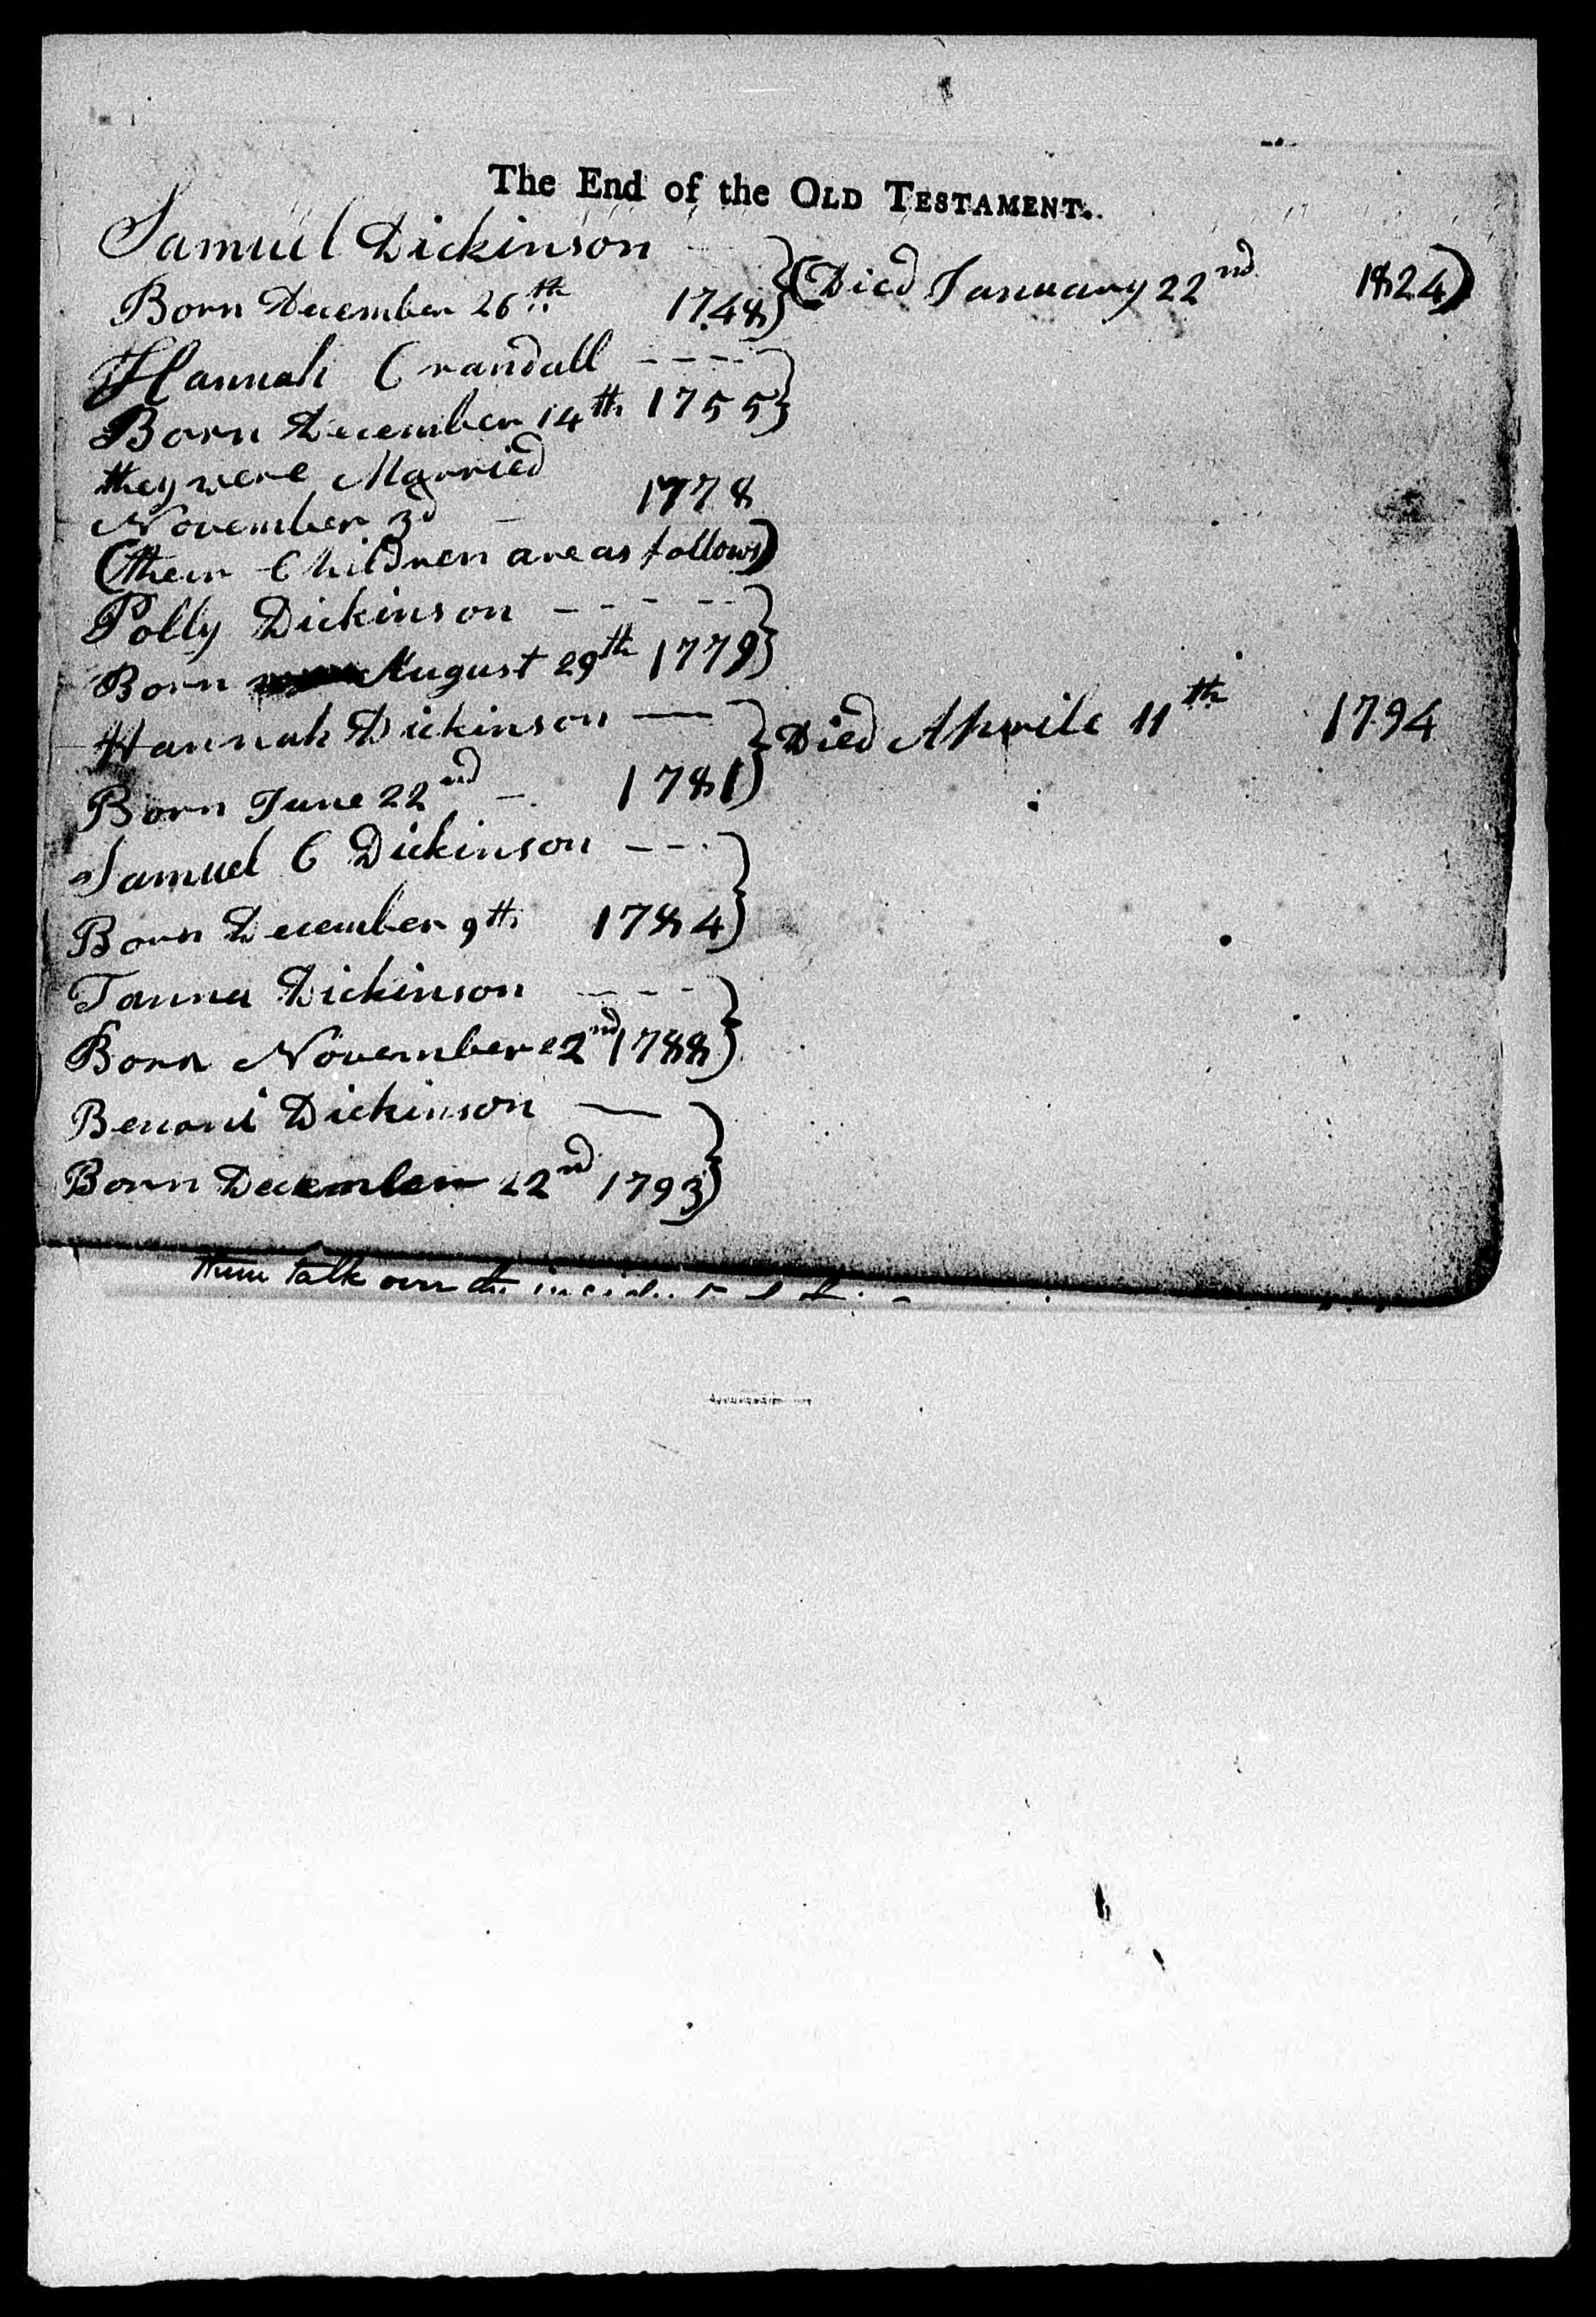The End of the Old Testament.
Samuel Dickinson
Born December 26th 1748} (Died January 22nd 1824)
Hannah Crandall
Born December 15th 1755
they were married
November 3rd 1778
(their children are as follows)
Polly Dickinson
Born August 29th 1779
Hannah Dickinson
Born June 22nd 1781} (Died Aprile 11th 1794)
Samuel C Dickinson
Born December 9th 1784
Tanner Dickinson
Born November 22nd 1788
[inelligable] Dickinson
Born December 22nd 1793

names: Samuel C Dickinson, Polly Dickinson, Samuel Dickinson, Hannah Dickinson, Benoni Dickinson, Tanna Dickinson, Hannah Crandall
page: 17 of 60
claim: widow's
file: W 16,955, Samuel Dickinson, Conn.